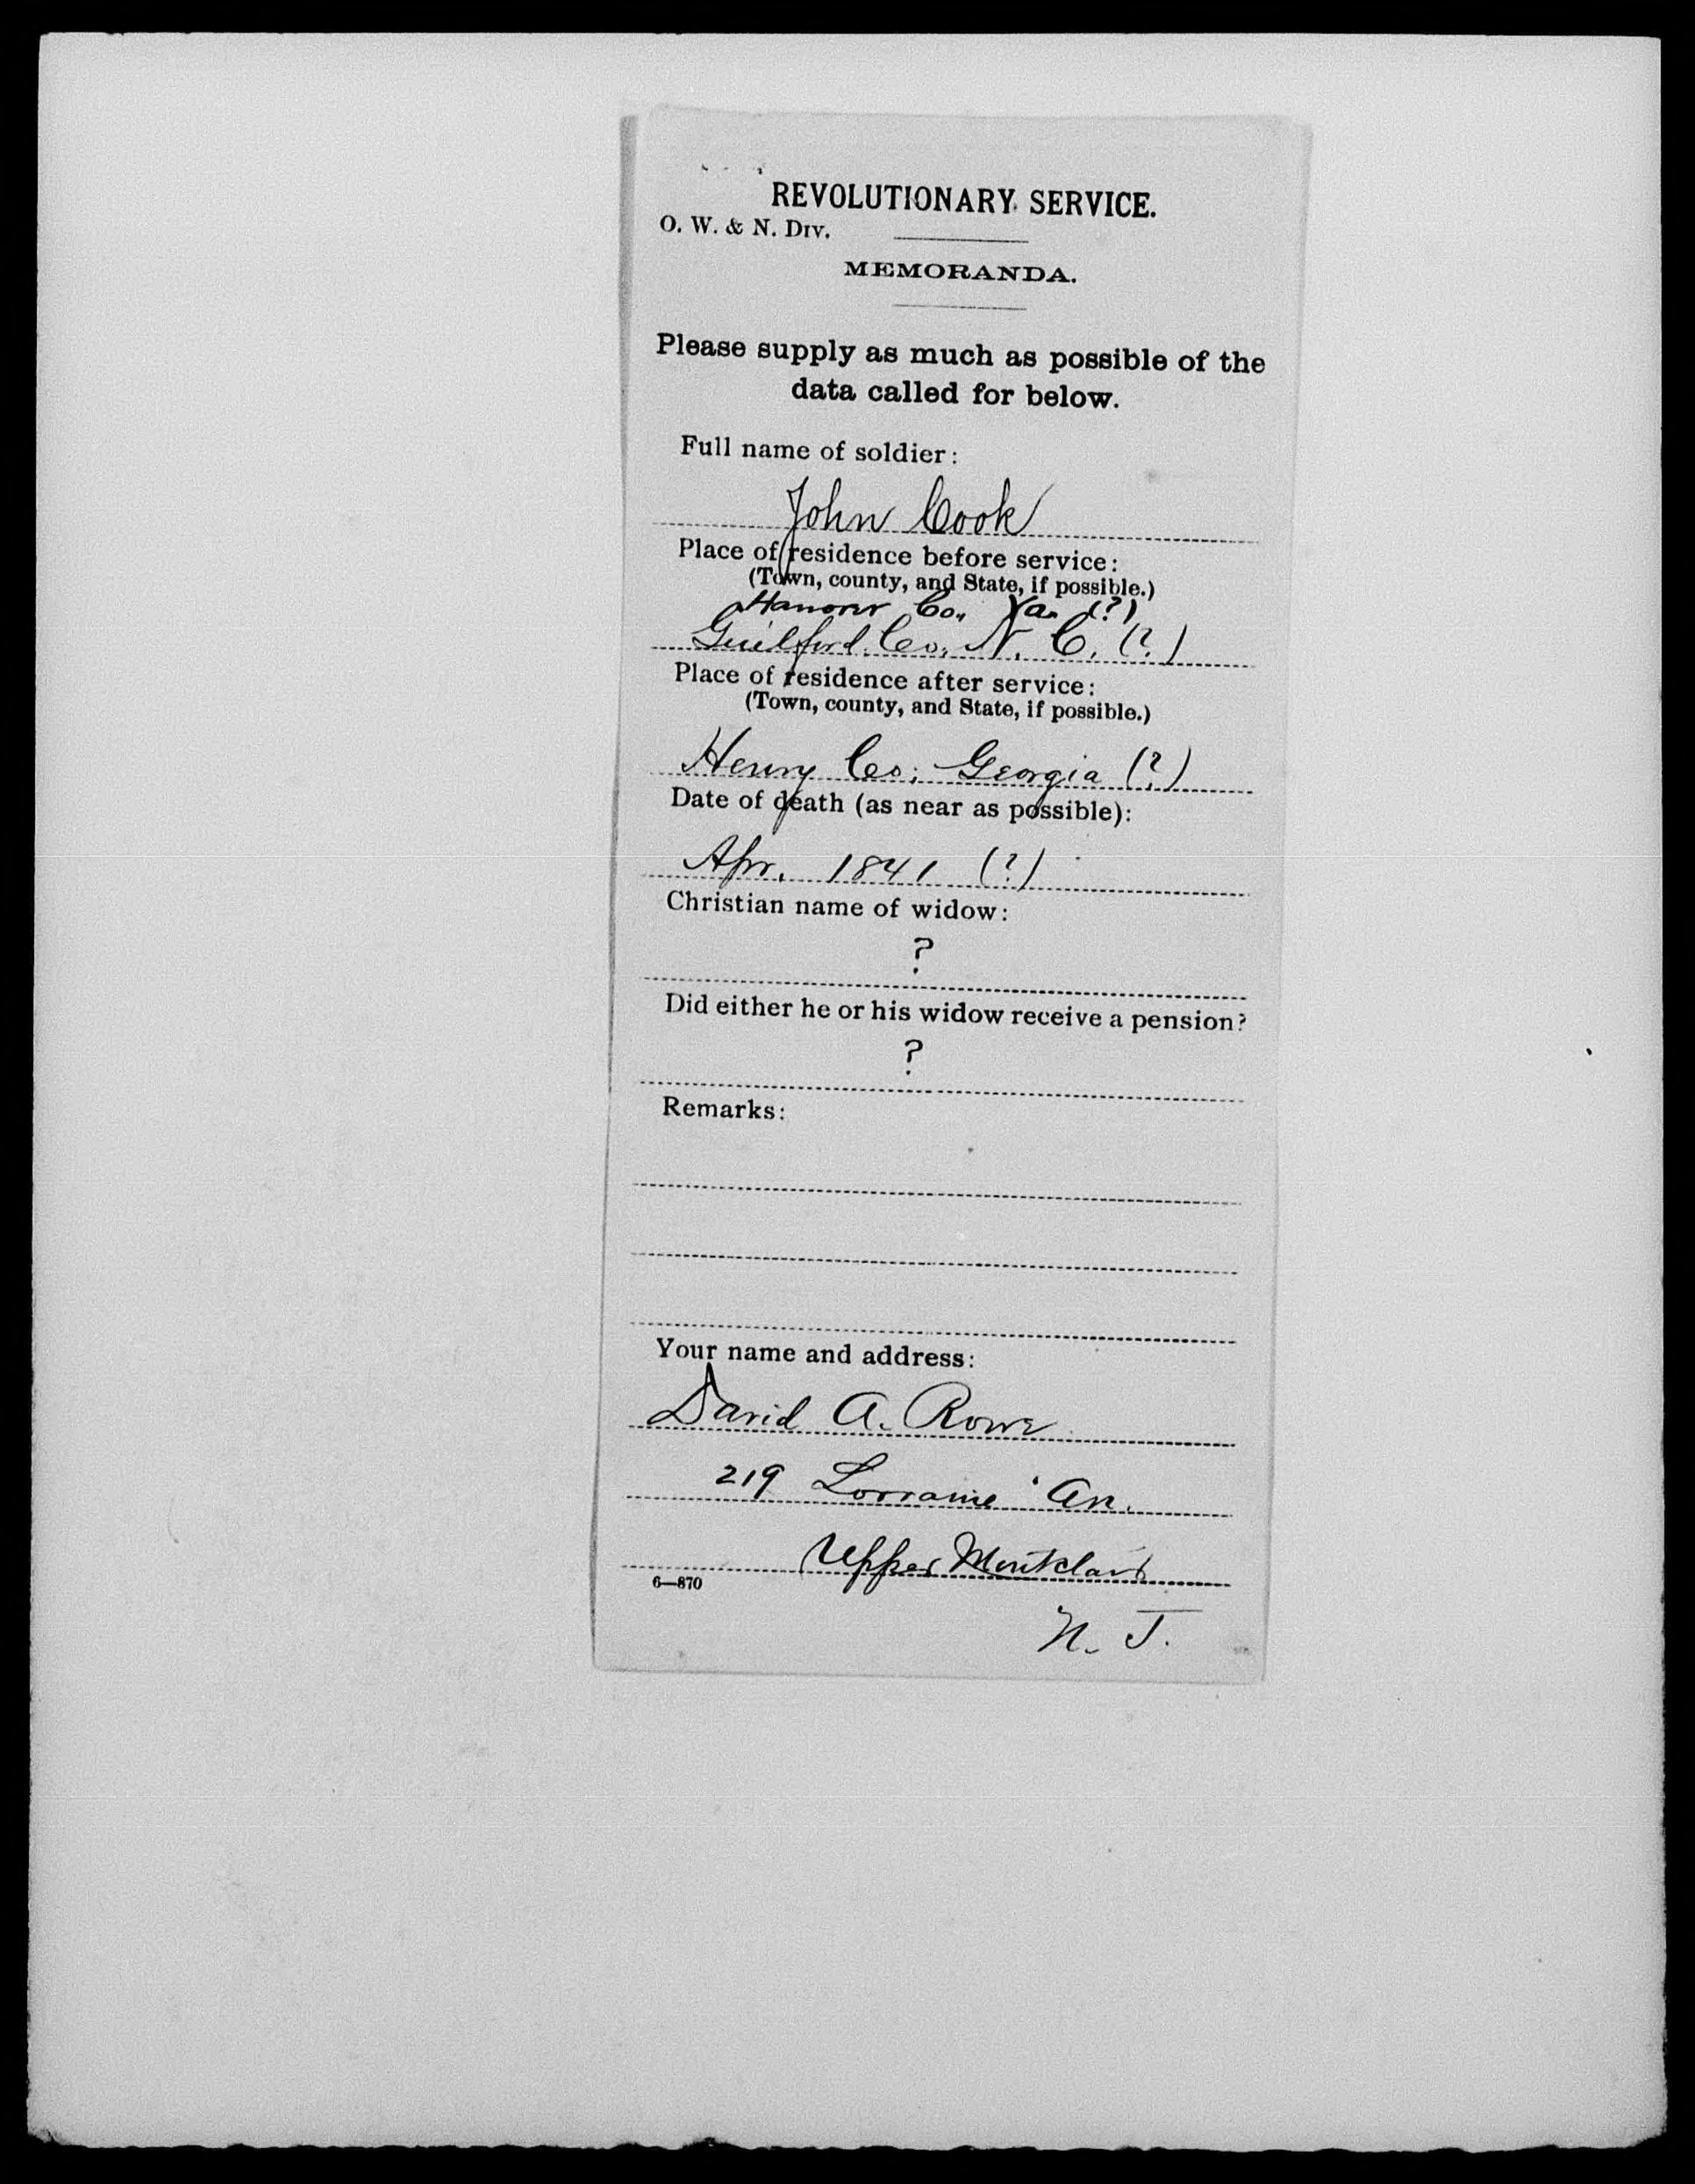REVOLUTIONARY SERVICE.
O.W. & N. Div.
MEMORANDA.

Please supply as much as possible to the date called for below.
Full name of soldier:  John Cook
Place of residence before service:  (Town, county, and State, if possible.)  
Hanover Co. Va. (?)
Guilford Co, N.C. (?)
Place of residence after service:  (Town, county, and State, if possible.)
Henry Co; Georgia (?)
Date of death (as near as possible):
Apr. 1841 {?}
Christian name of widow:
?
Did either he or his widow receive a pension?
?
Remarks?
Your name and address:
David A. Rowe
219 Lorraine Ave.
Upper Montclair
N.J.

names: David A Rowe, John Cook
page: 13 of 18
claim: survivor's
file: S. 16,343, John Cook, N.C.